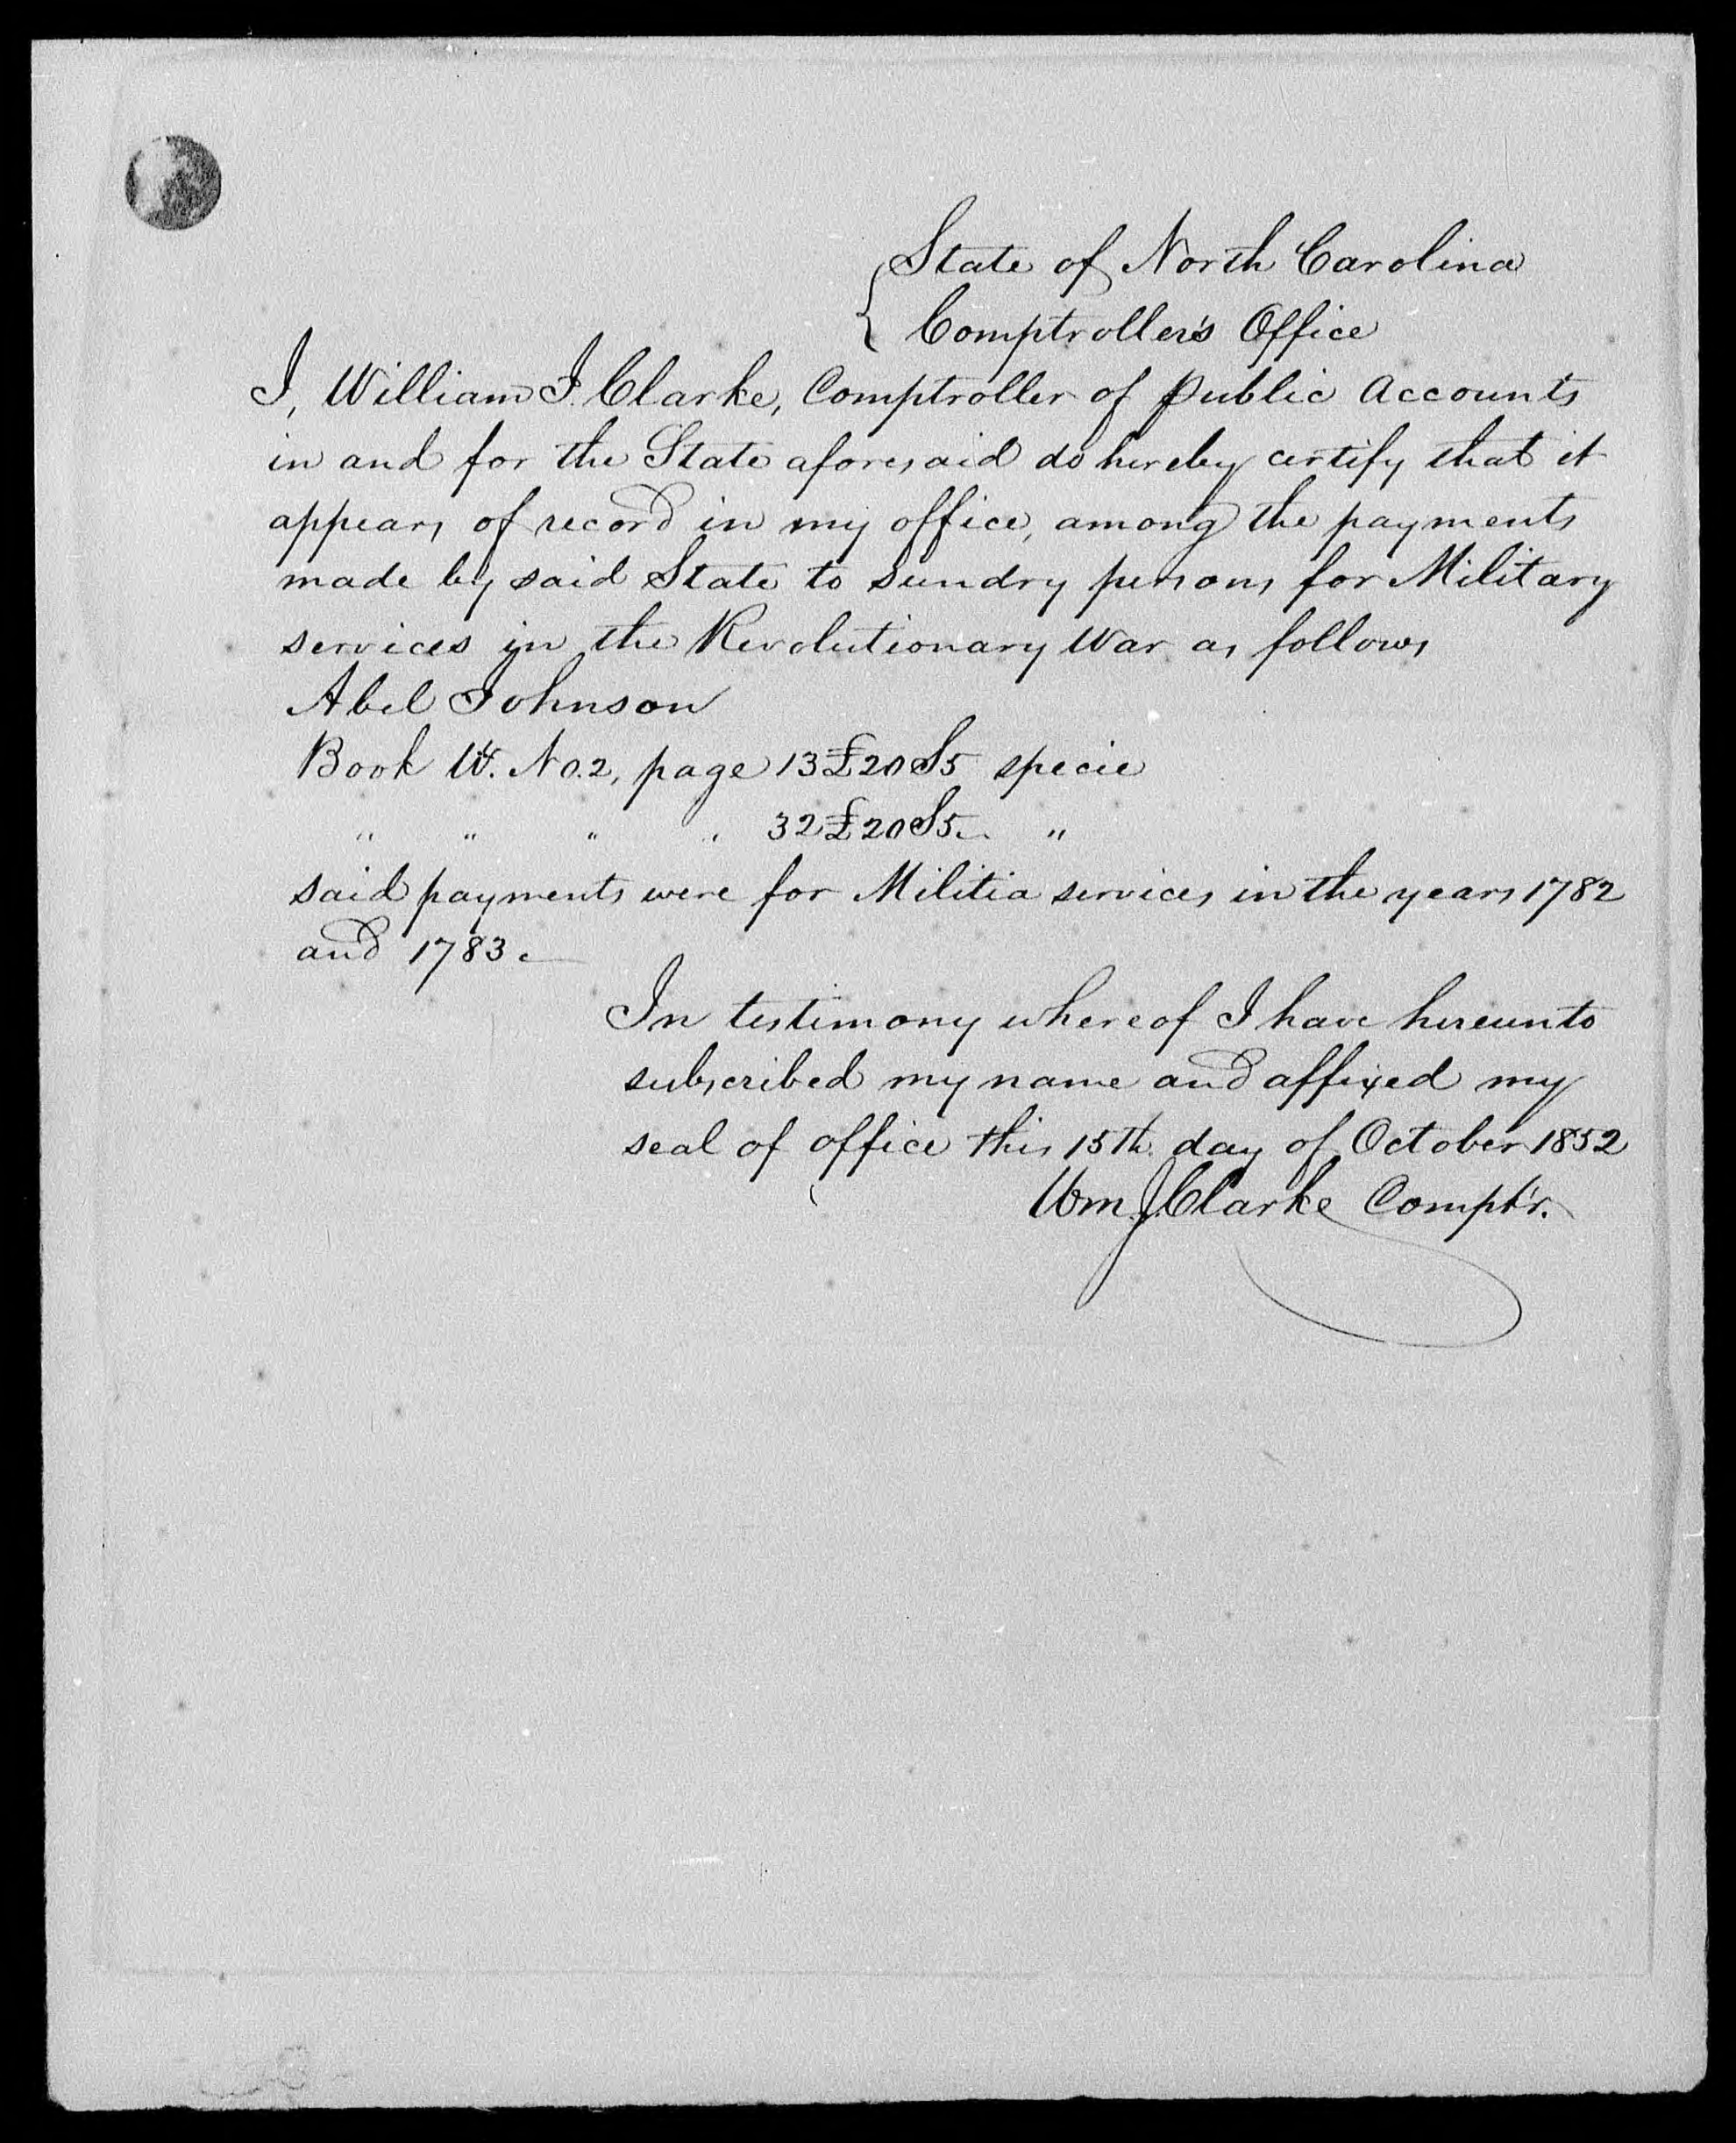State of North Carolina
Comptroller’s Office
I, William J. Clarke, Comptroller of Public Accounts in and for the State aforesaid do hereby certify that it appears of record in my office among the payments made by said State to sundry person, for military services in the Revolutionary War as follows,
Abel Johnson
Book W. No. 2, Page 13/20/5 
Said payments were for Militia service, in the years 1782 and 1783. 
In testimony whereof I have hereunto subscribed my name and affixed my seal of office this 15th day of October 1852. 
William J. Clarke, Comptroller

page: 5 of 74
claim: rejected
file: R. 5600, for Abel Johnson, North Carolina